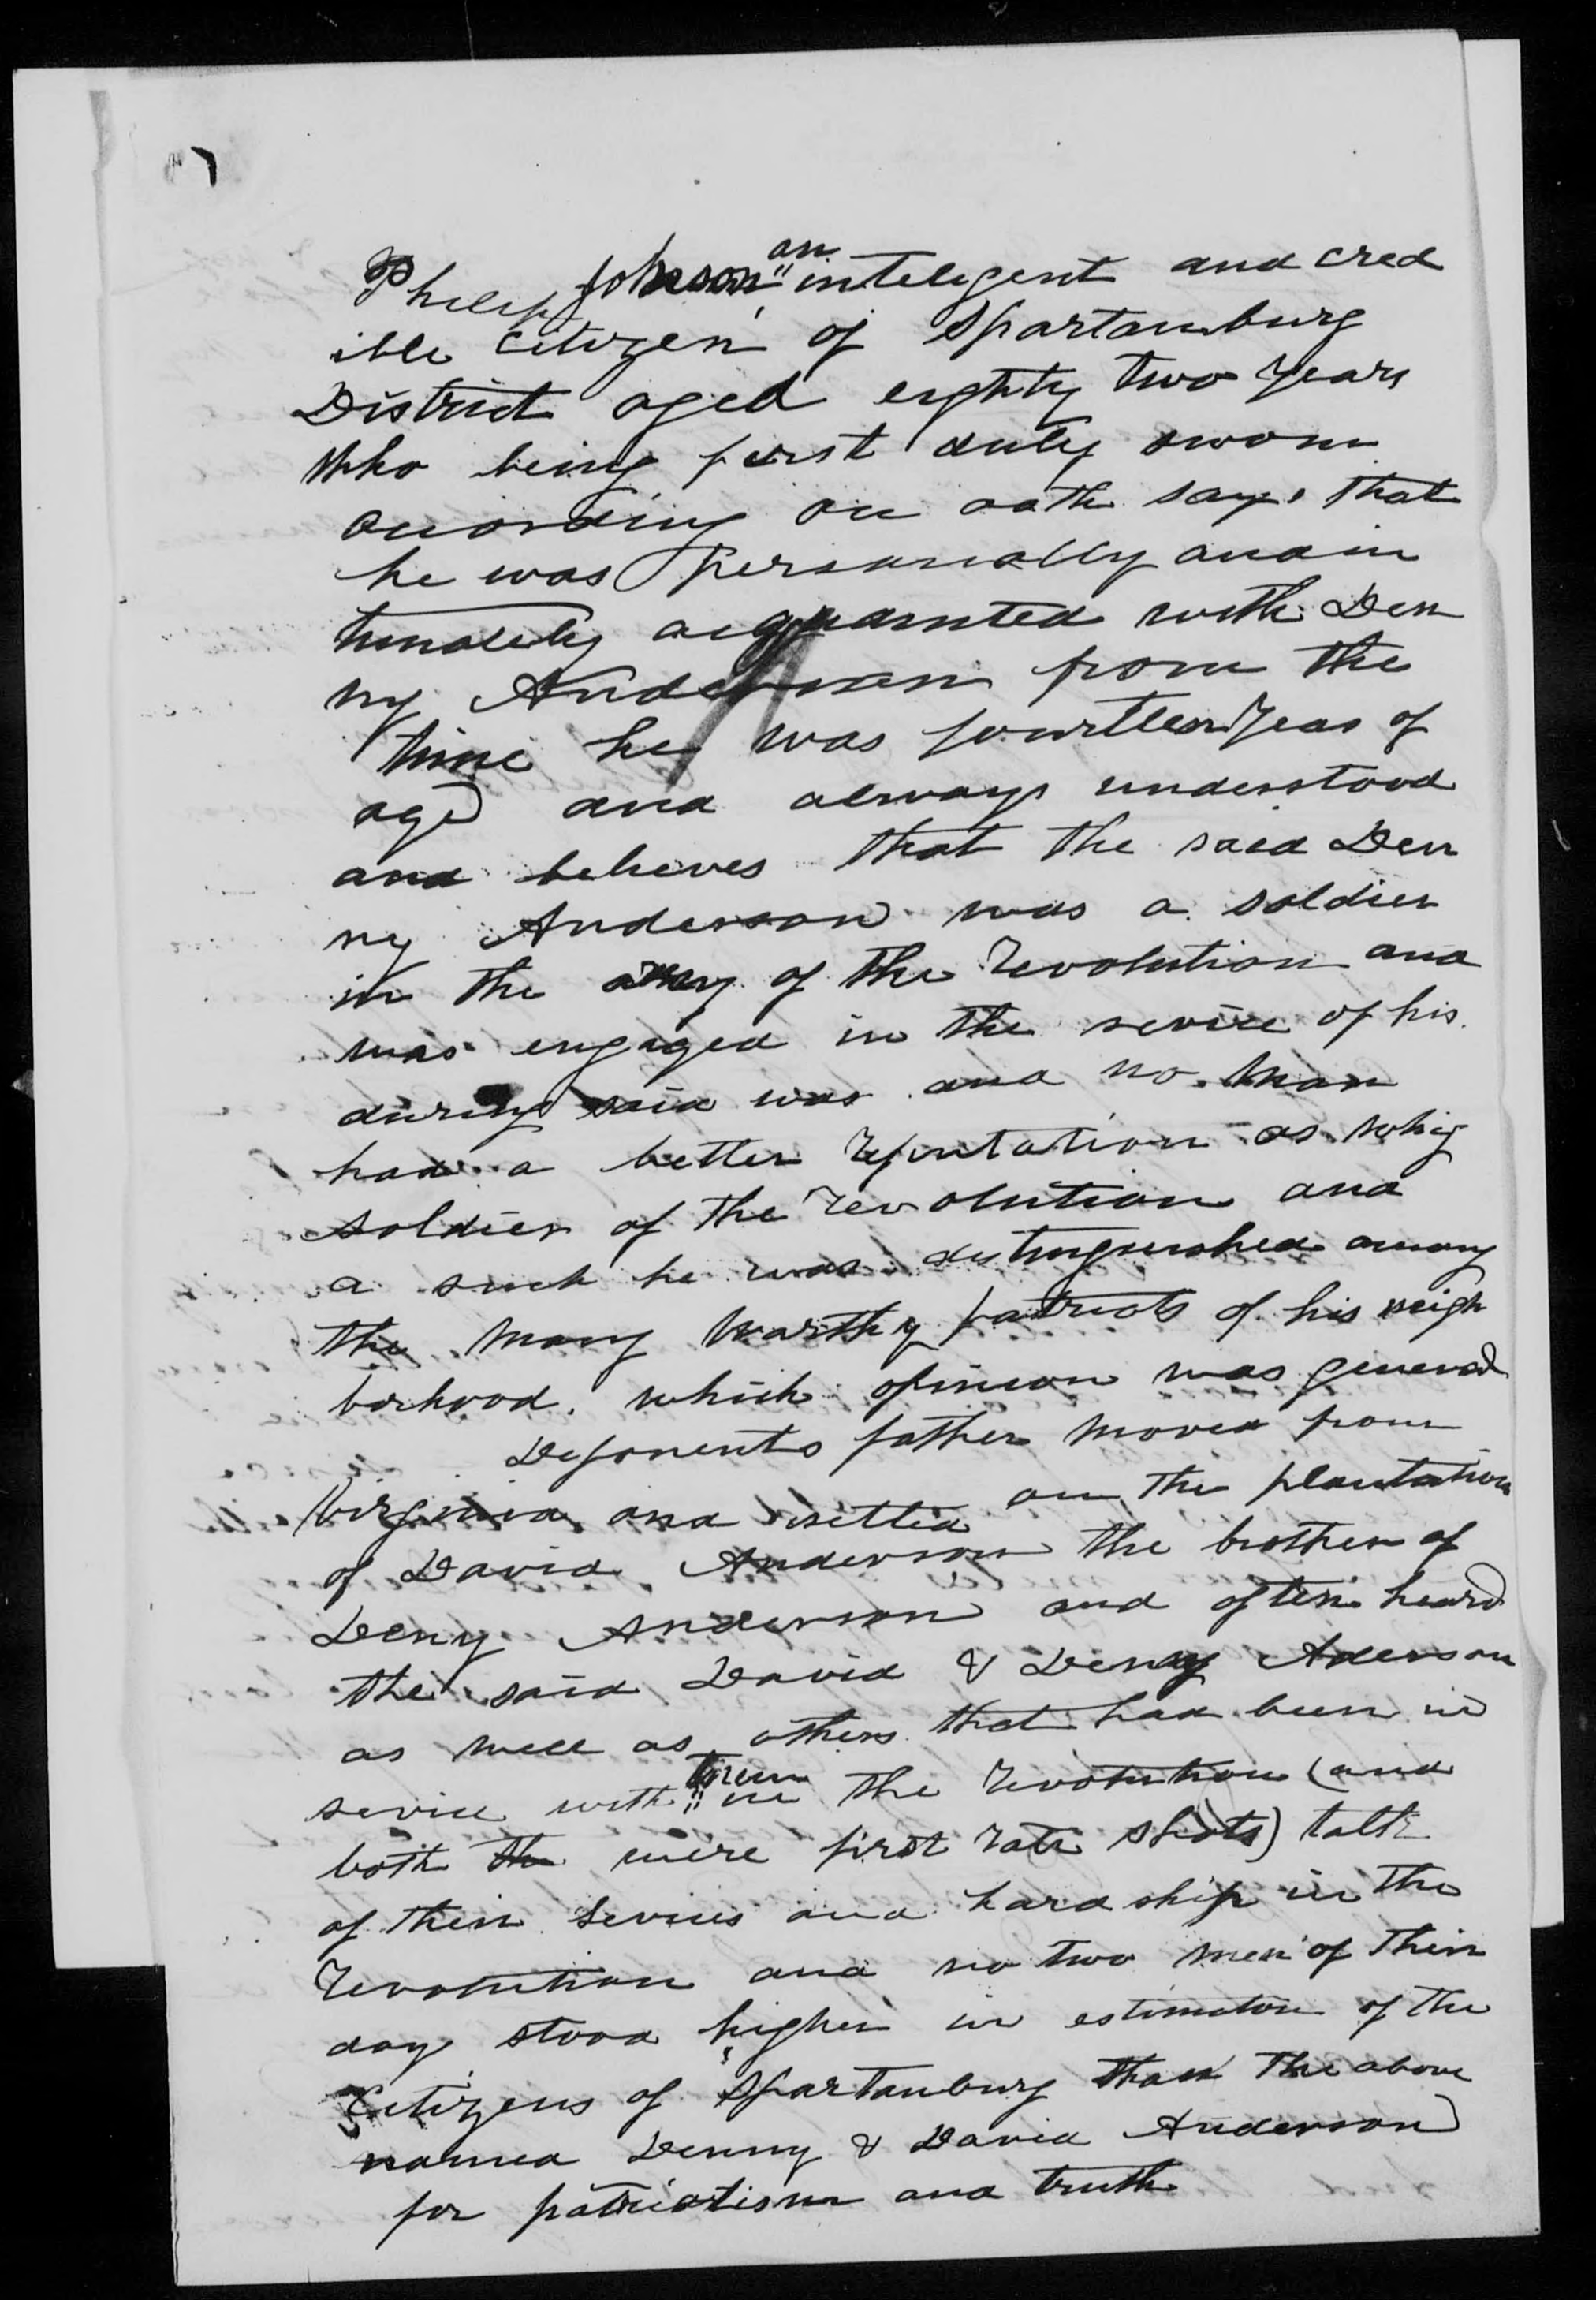Philip Johnson an inteligent and credible citizen of Spartanburg District aged eighty two years who being first duly sworn according on oath says that he was personally and intimately acquainted with Denny Anderson from the time he was fourteen year of and always understood and believes that the said Denny Anderson was a soldier in the army of the Revolution and was engaged in the service of his during said war and no man had a better reputation as this soldier of the revolution and a such he was distinguished among the many worthy patriots of his neighborhood, which opinion was several.
Deponents father moved from Virginia and settled on the plantation of David Anderson the brother of Denny Anderson and often heard the said David & Denny Anderson as well as others that had been in service with them in the revolution (and both were first rate shots) talk of their services and hardship in the revolution and no two men of their day stood higher in estimation of the citizens of Spartanburg than the above named Denny & David Anderson for patriotism and truth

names: David Anderson, Philip Johnson, Denny Anderson, Denny Anderson, Denny Anderson, Denny Anderson, David Anderson, David Anderson, Denny Anderson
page: 6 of 51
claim: widow's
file: W. 9700, Denney Anderson, S.C.